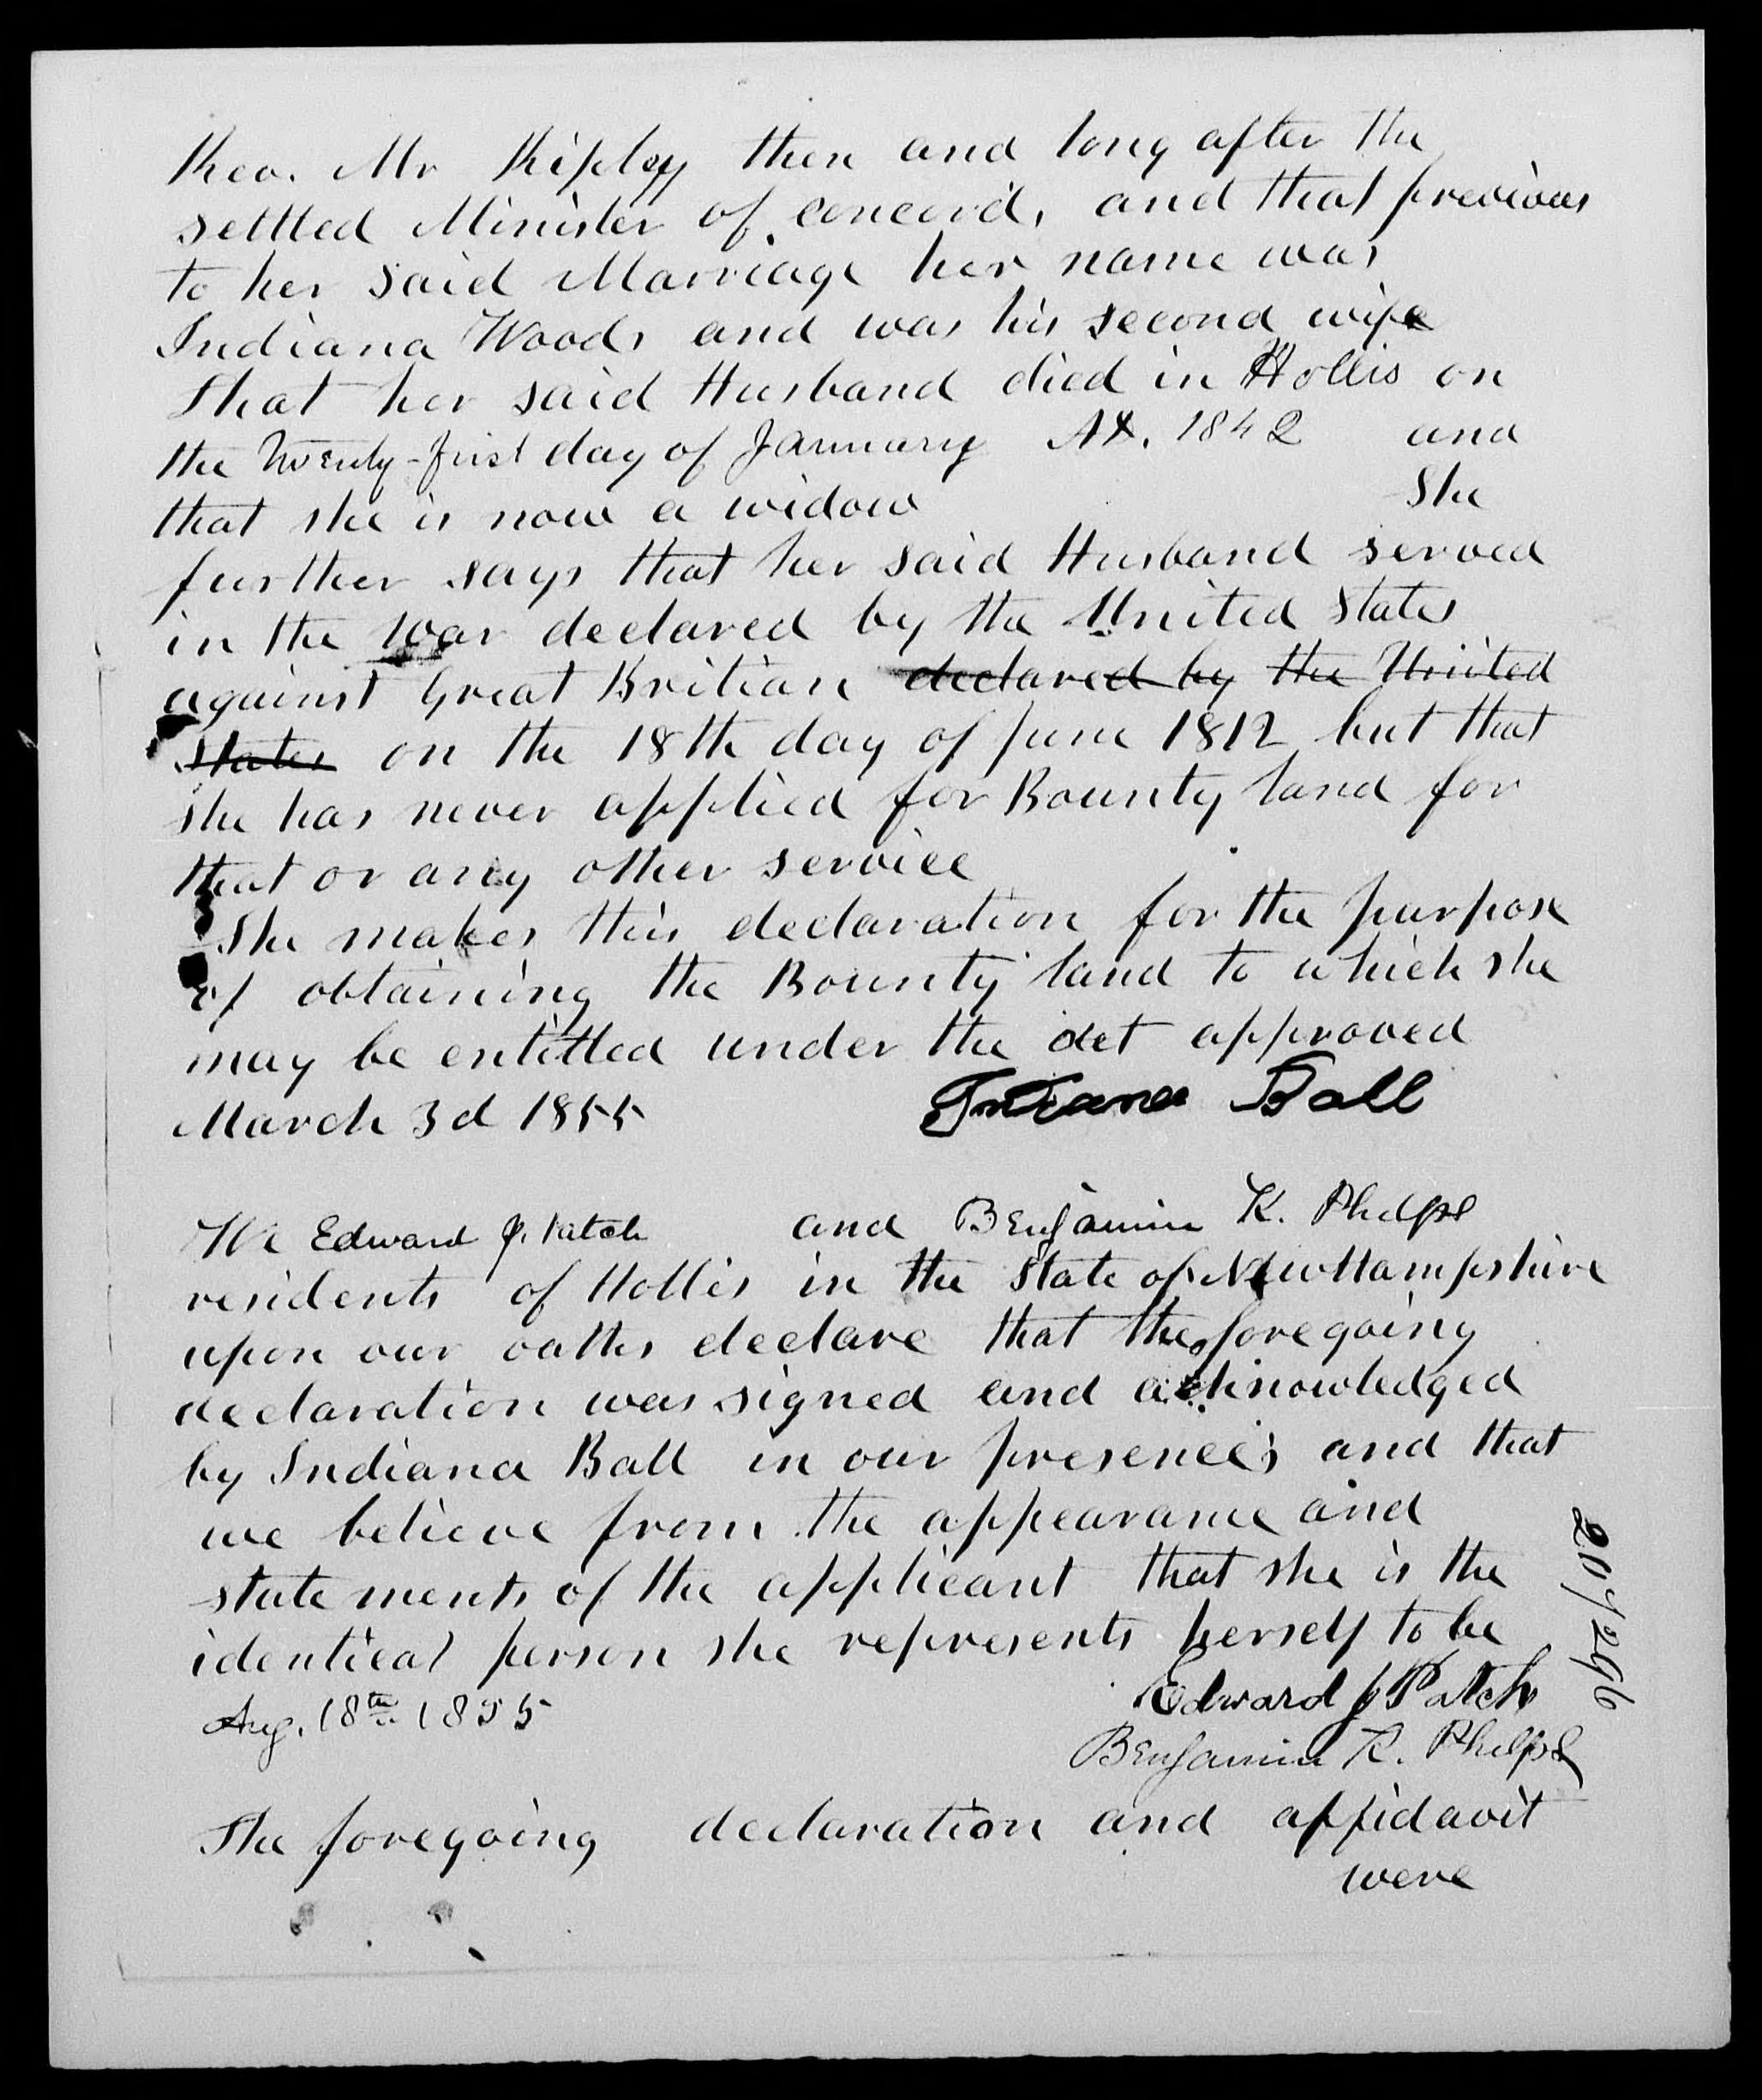Rev. Mr Ripley then and long after the 
settled Minister of Concord, and that previous
to her said Marriage her name was
Indiana Woods and was his second wife 
that her said Husband died in Hollis on
the twenty-first day of January AD. 1842 and
that she is now a widow. She
further says that her said Husband served 
in the war declared by the United States
against Great Britain declared by the United States 
on the 18th day of June 1812 but that
she has never applied for Bounty land for
that or any other service
She makes this declaration for the purpose of obtaining the Bounty land to which she
may be entitled under the act approved
March 3d 1855 Indiana Ball
We Edward J. Patch and Benjamin R. Phelps
residents of Hollis in the State of New Hampshire
upon our oaths declare that the foregoing
declaration was signed and acknowledged
by Indiana Ball in our presence and that 
we believe from the appearance and
statements of the applicant that she is the 
identical person she represents herself to be
Aug 18th 1855 Edward J. Patch
Benjamin R. Phelps
The foregoing declaration and affidavit 
were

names: Indiana Woods, Edward J Patch, Shipley, Edward G Patch, Benjamin K Phelps, Benjamin K Phelps, Indiana Ball, Indiana Ball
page: 4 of 16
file: B. L. Wt, 36670-160-55, Abner Ball, Mass.